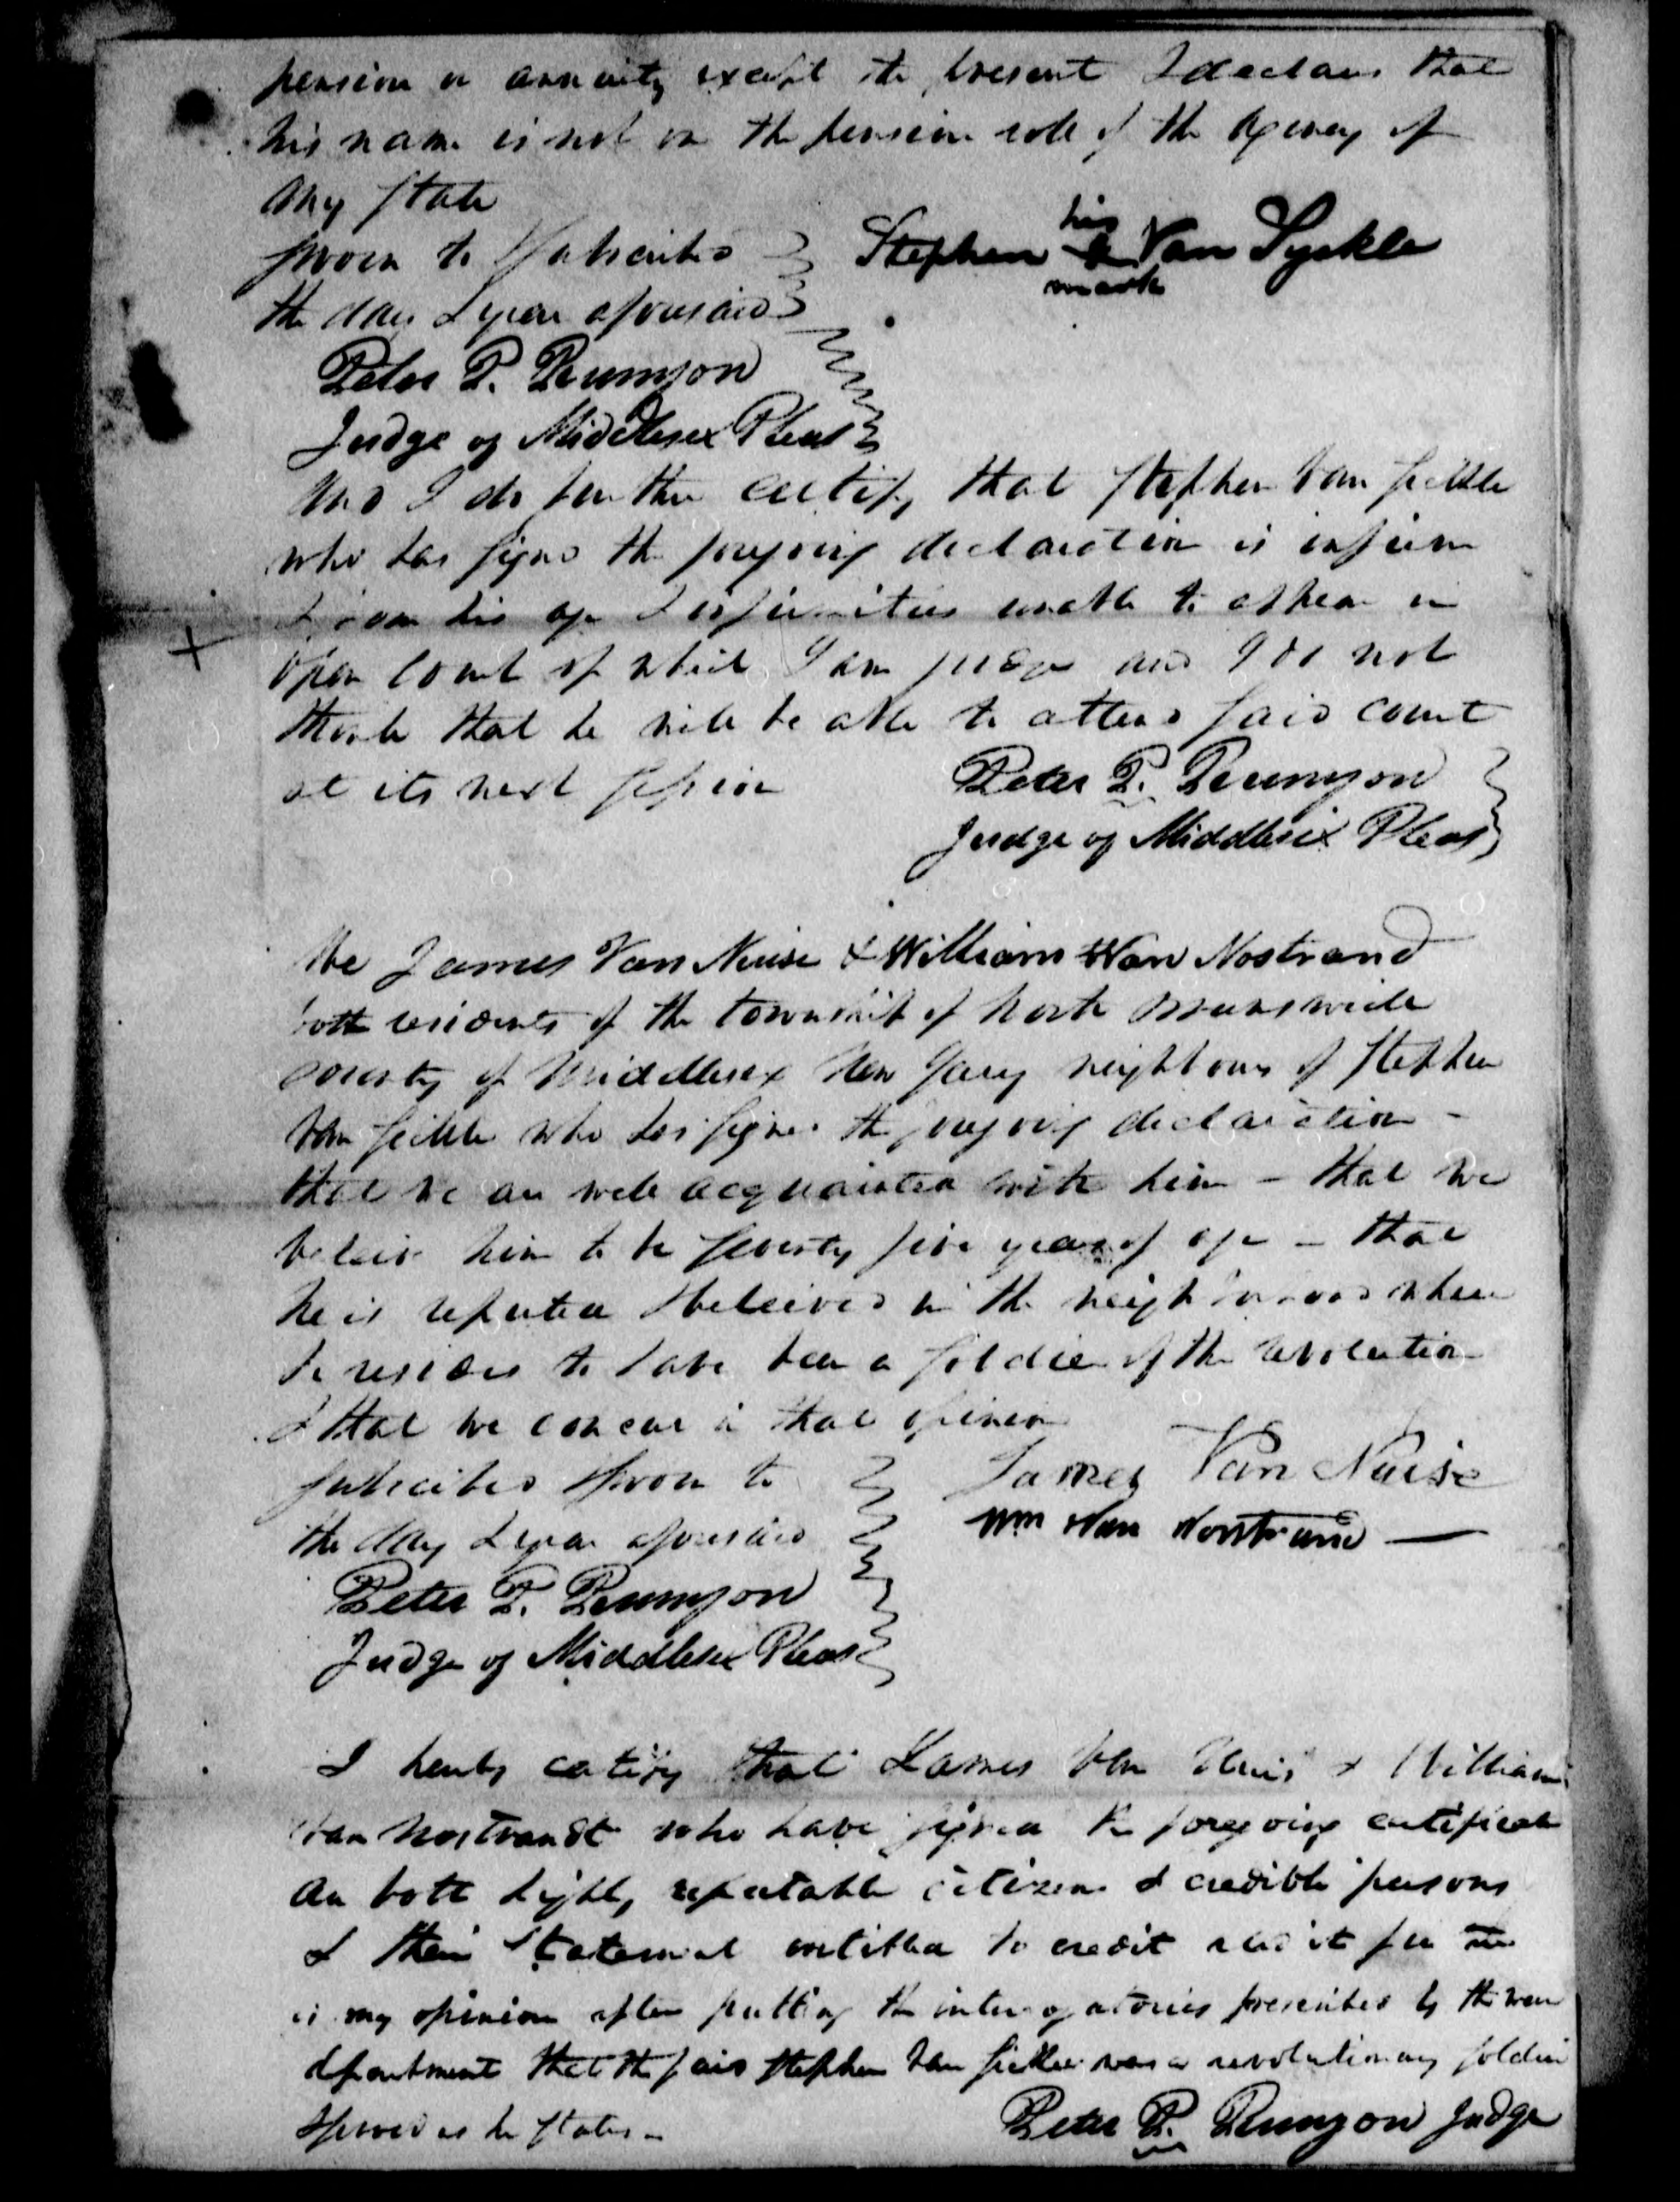pension or annuity except the present declare that
his name is not on the pension roll of the agency of
my State
Sworn to Subscribe
the day & year aforesaid
Stephen Van Syckle
Peter P. Runyon
Judge of Midlesex Pleas
and I do further certify that Stephen on his
who has signed the pregoing declaration is infirm
in his age infirmities wall to appear in
open Court of which I an judge and I do not
think that he will be able to attend said court
at its next Session
Peter P. Runyon
Judge of Middlesex Pleas
be James Van Muse & William Van Nostrand
both residents of the township of North Brunswide
County of Middlesex New Jury Nighton of Stephen
to file who has signed the foregoing declarationthat
we are well acquainted with him-- that we
per him to be seventy five years of age that
he is reputed believed in the neigh and there
resides to have been a soldier of the revolution
that we concur in that opinion

ancies from to James Van Nuise the
day & year aforesaid
Wm Van Nostrand
Peter P. Bennison
Judge of Middlese Pleas
I hereby certify that James Van Sickle & Wm Van Nosstrand who have signed the foregoing certificate
on both high reputable citizen & credible persons
of their statement entitled to credit and it for the
my opinion after putting the inter of atories prescribed to the
deportment that the said Stephen a sick was a revolutionary soldier
served as he states
Peter P. Runyon Judge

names: Peter P Runyon, Wm Van Nosstrand, Stephen Van Sickle, James Van Nuis, Stephen Van Sickle, James Van Nuise, William Van Nostrandt, Peter P Runyon, Stephen Van Syckle, William Wan Nostrand, James Van Nuise, Peter P Runyon, Stephen Van Sickee, Peter P Runyon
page: 8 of 12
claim: survivor's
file: S. 1136, Stephen Van Sickle, New Jersey